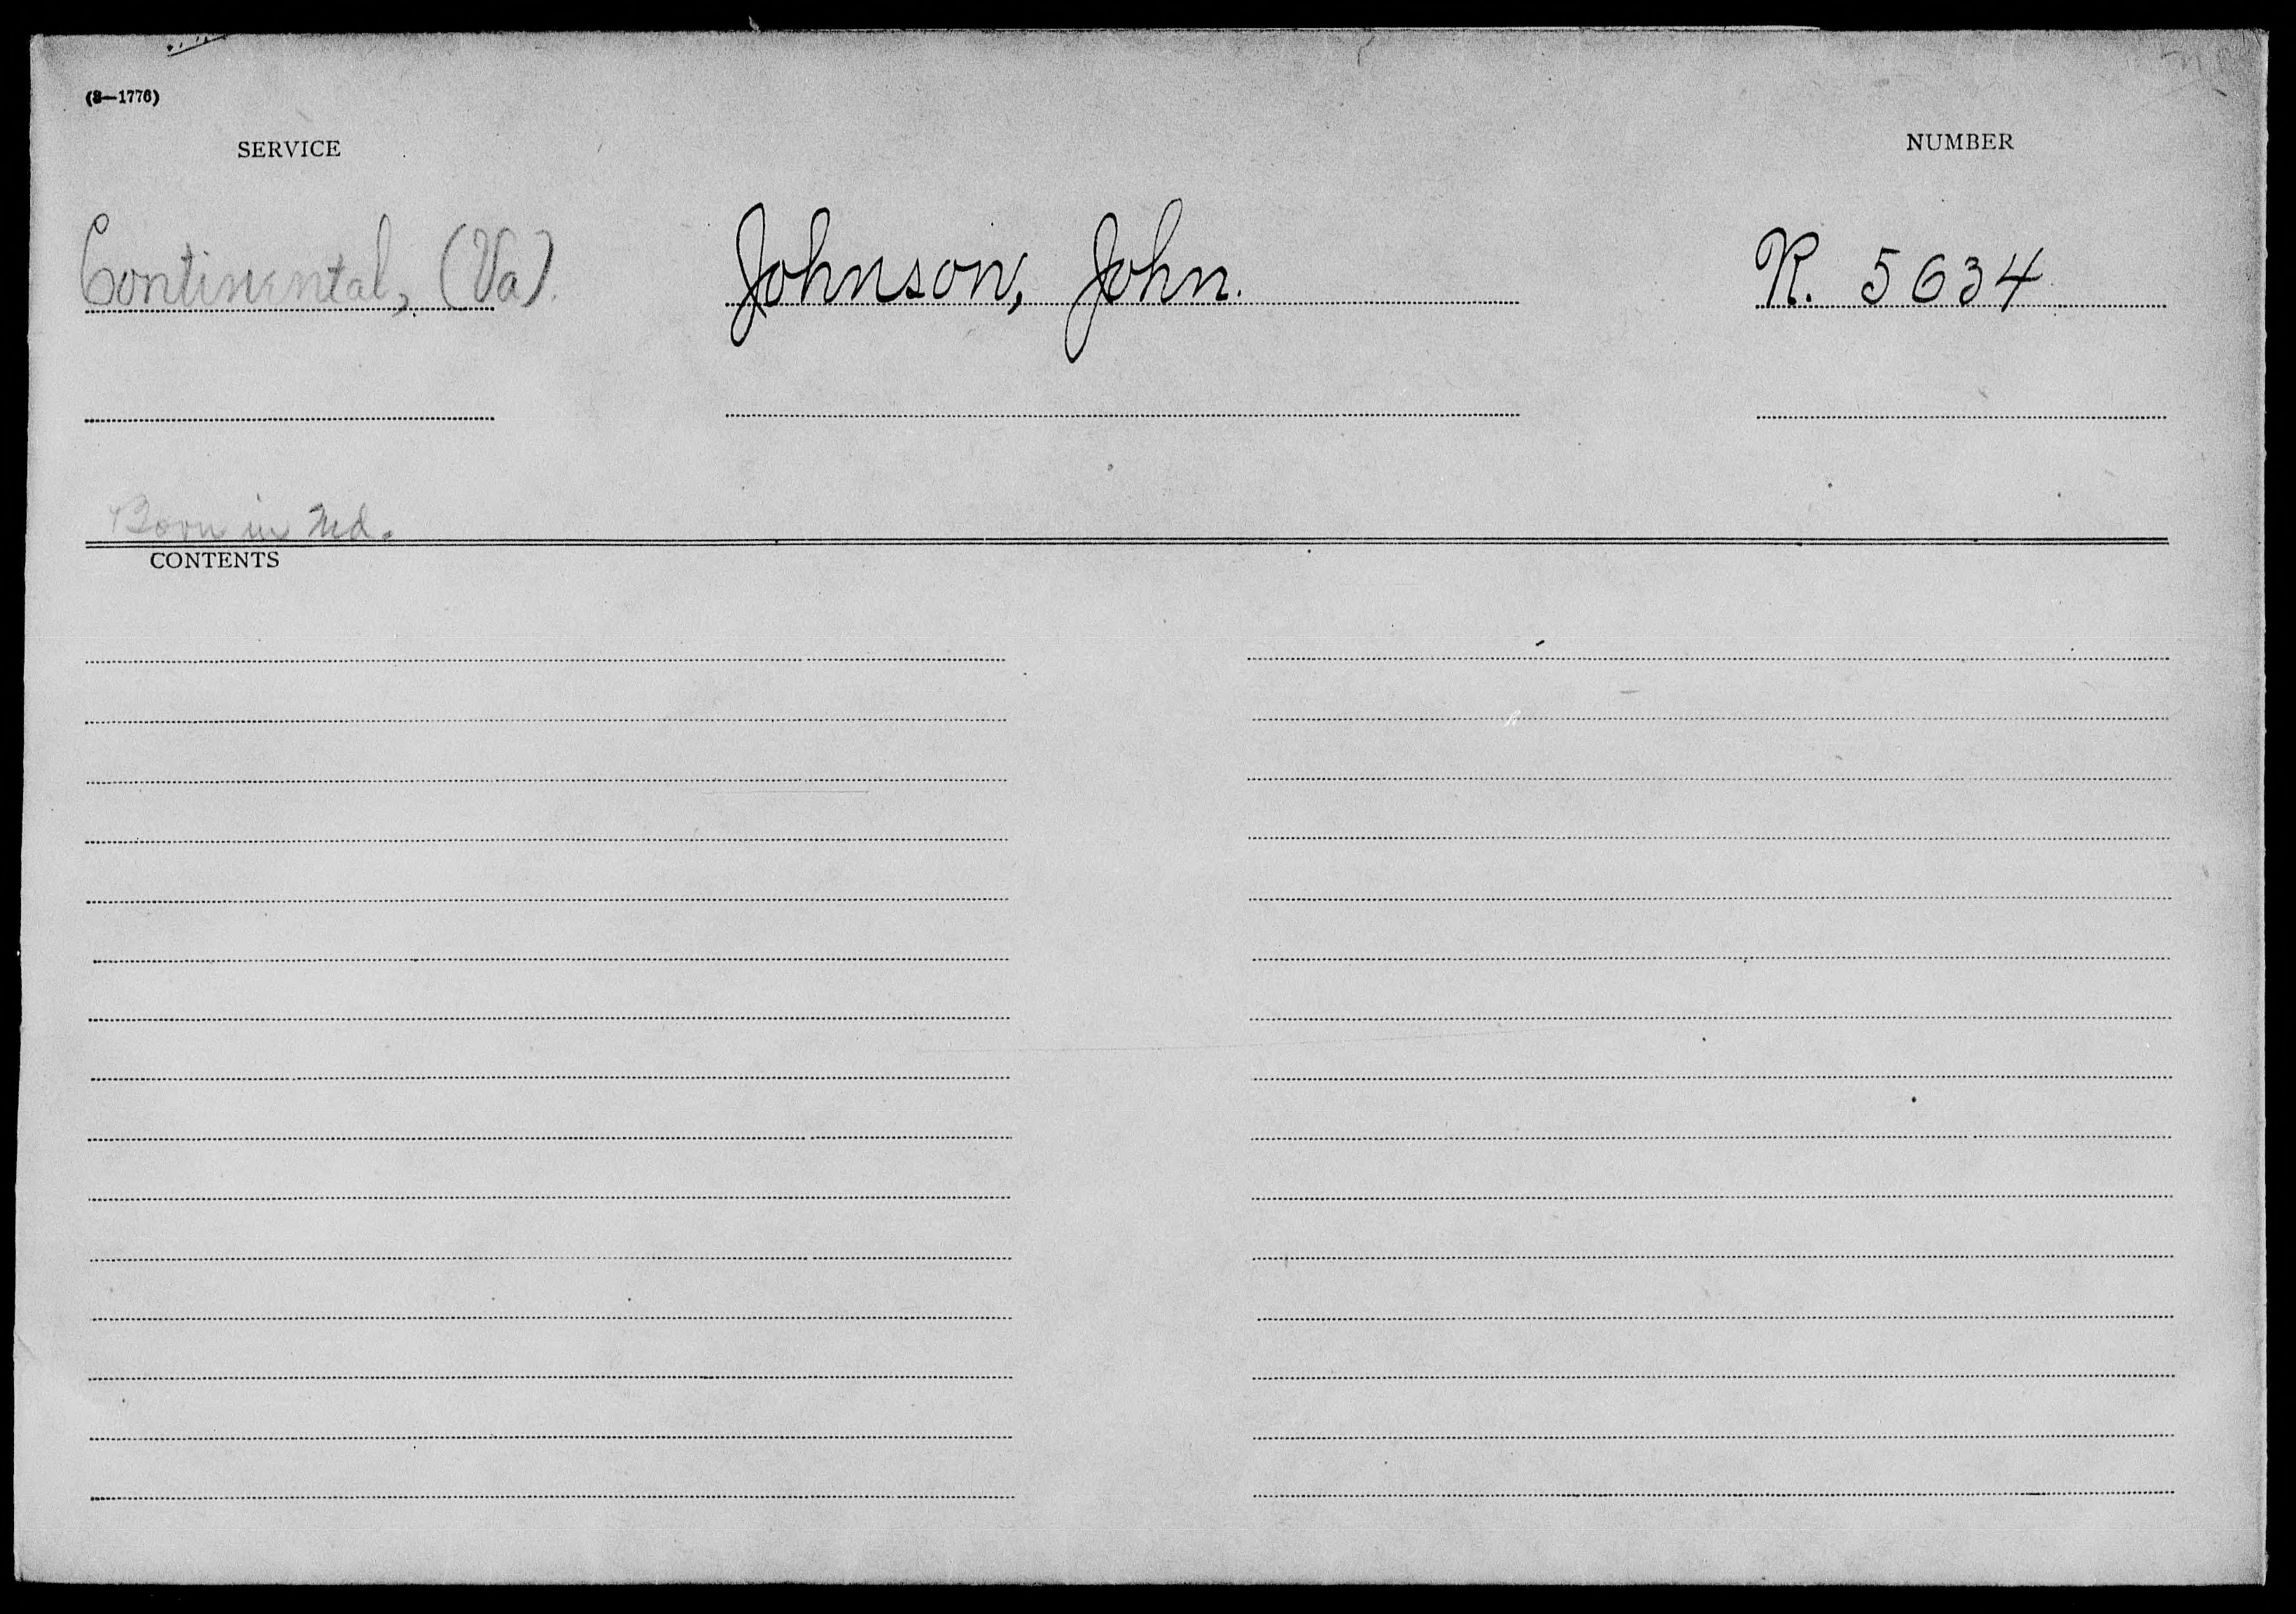(8-1776)

SERVICE Continental, (Va)

Johnson, John

NUMBER R. 5634

Born in Md.

CONTENTS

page: 1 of 16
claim: rejected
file: R. 5634, for John Johnson, Virginia